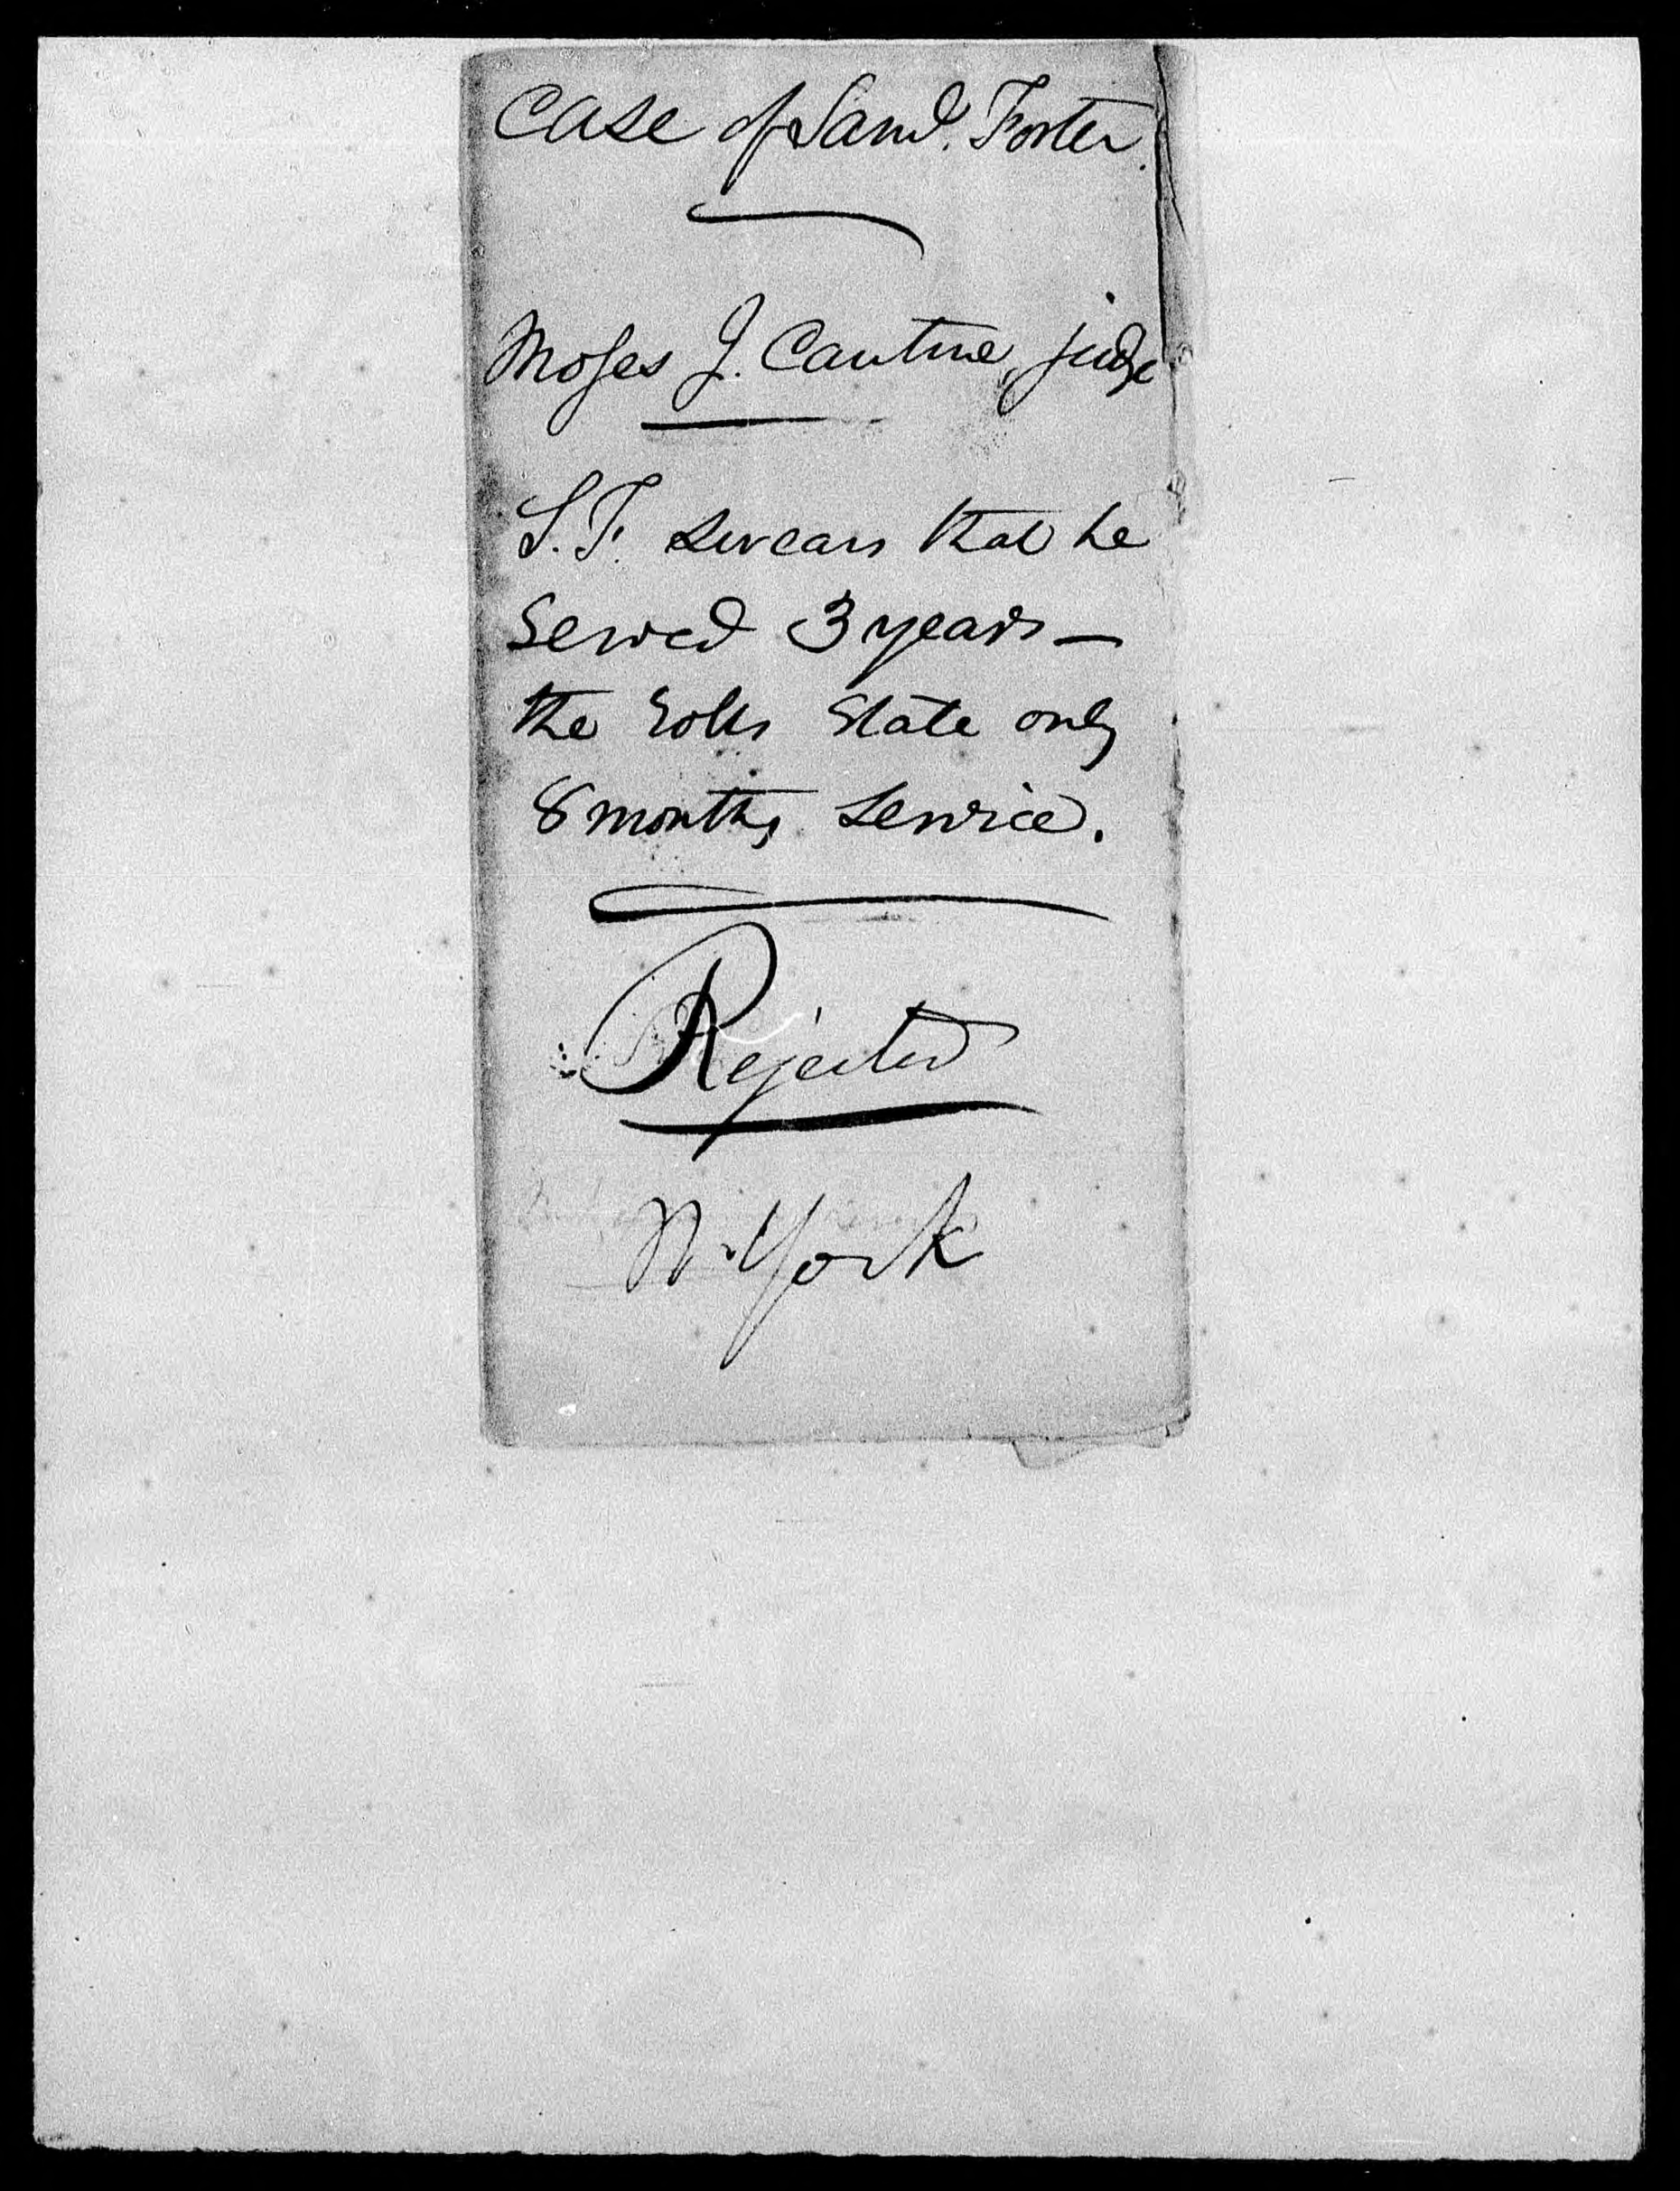case of Saml. Foster
Moses J. Cautine, judge
S.F. swears that he served 3 years _
the rolls state only 8 months service.
Rejected
N. York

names: Saml Foster, Moses J Cantine, S T Sevears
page: 12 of 54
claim: survivor's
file: S. 13,043, Samuel Foster, Conn.